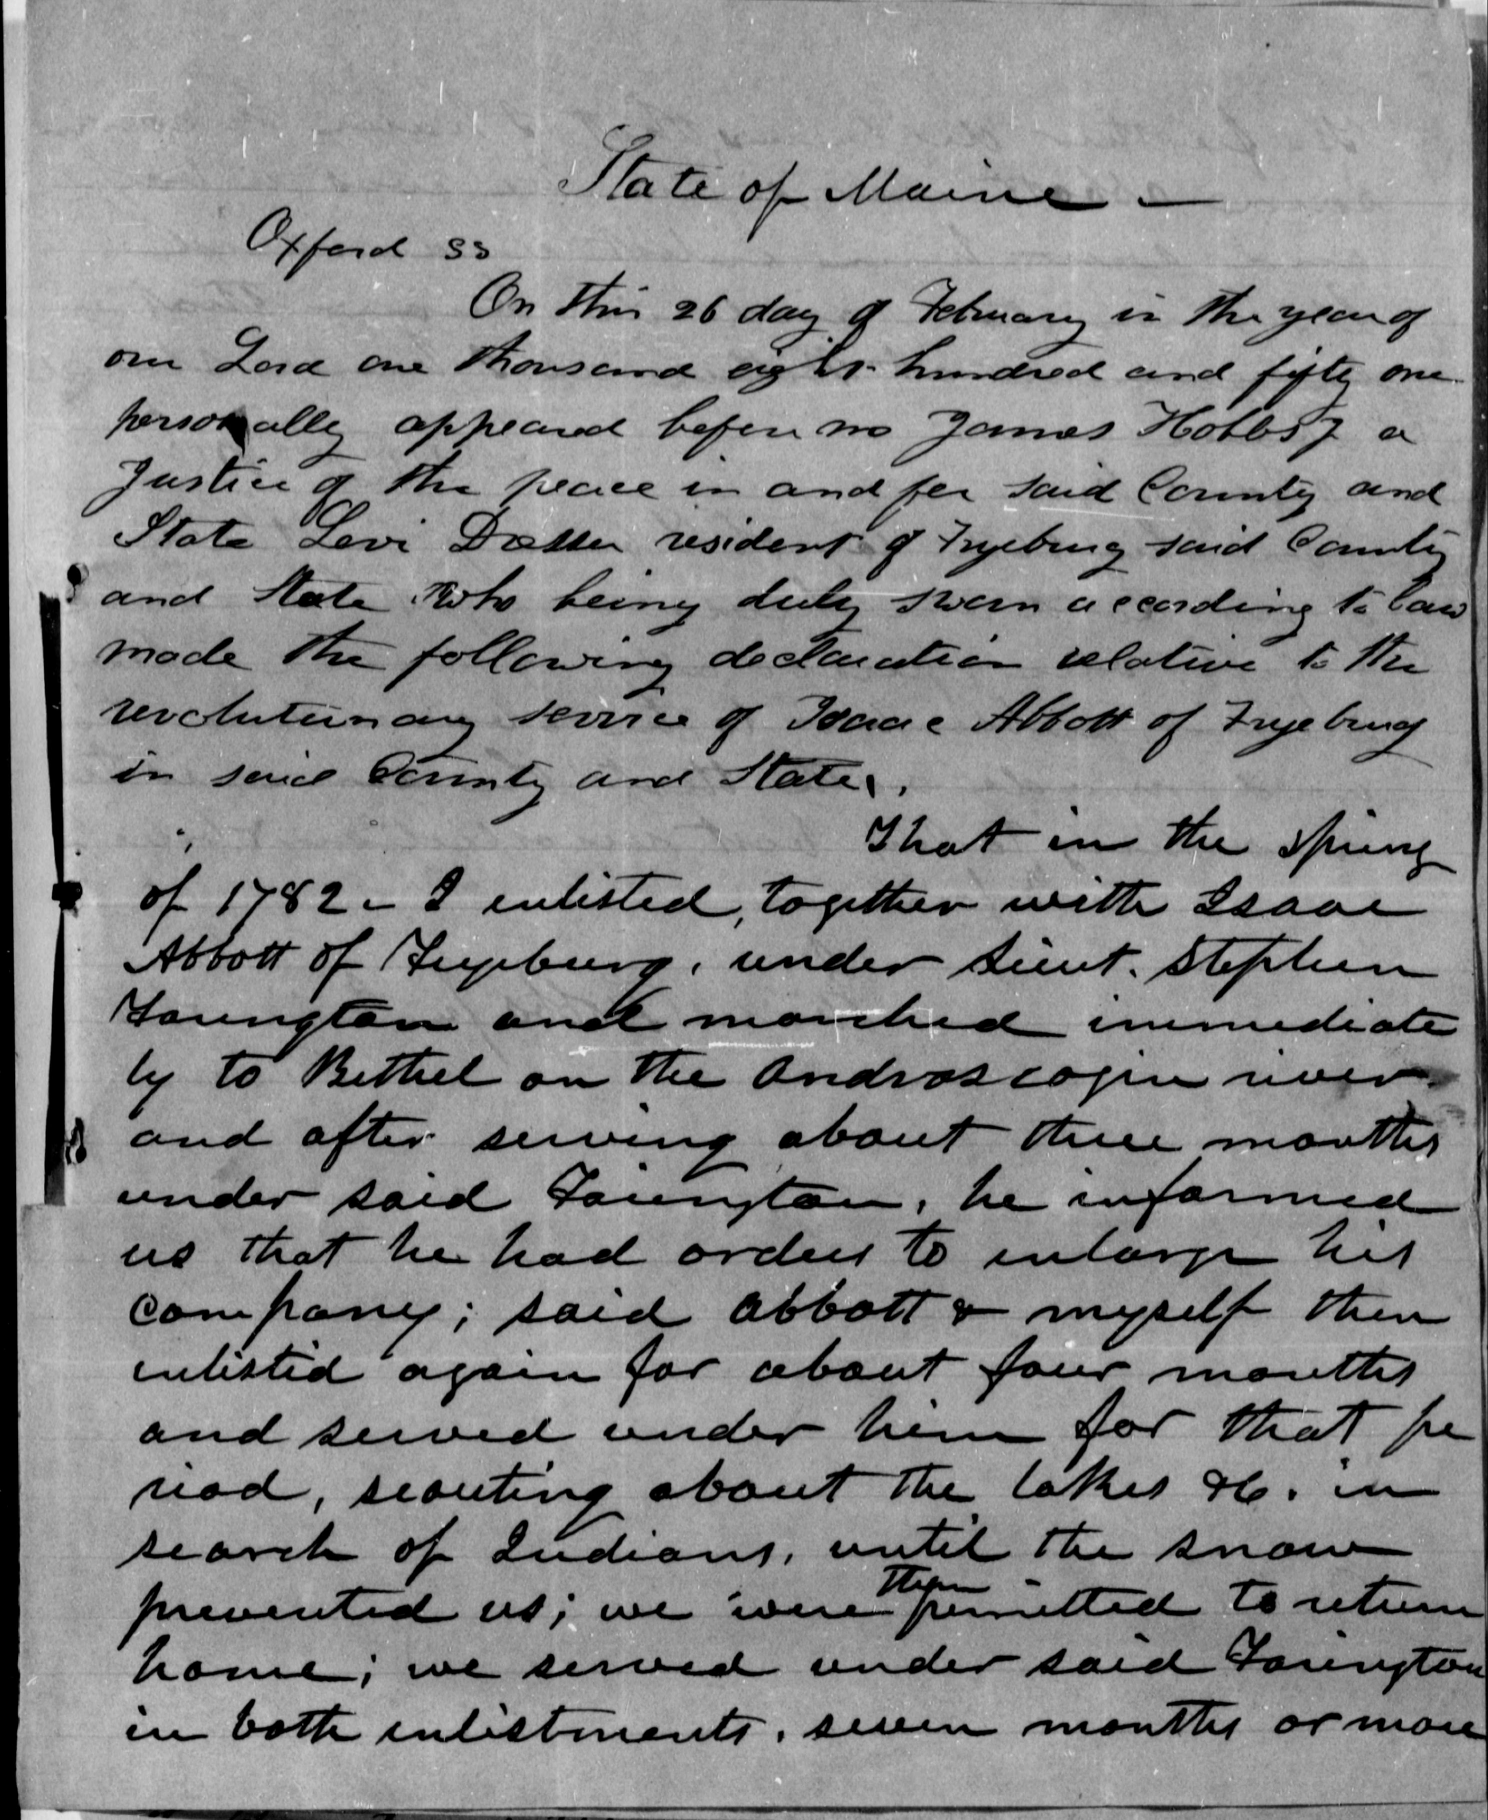State of Maine
Oxford, SS.
On this 26th day of February in the year of our Lord, one thousand eight hundred and fifty-one, personally appeared before me, James Hobbs Jr. a Justice of the Peace in and for said County and State. Levi Dresser, resident of Fryeburg, said County and State, who being duly sworn according to law made the following declaration relative to the Revolutionary Services of Isaac Abbott of Fryeburg in said County and State.
That in the Spring of 1782, I enlisted together with Isaac Abbott of Fryeburg, under Lieut. Stephen Farrington and marched immediately to Bethel on the Androscoggin River and after serving about three months under said Farrington, he informed us that he had orders to enlarge his Company; said Abbott + myself then enlisted again for about four months and served under him for that period, scouting about the Lakes. He in search of Indians, until the snow prevented us; we were then permitted to return home; we served under said Farrington in both enlistments, seven months or more
...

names: Farington, Isaac Abbott, Abbott, Levi Dresser, James Hobbs, Isaac Abbott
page: 80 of 86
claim: survivor's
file: S 29,568, Isaac Abbot, Mass